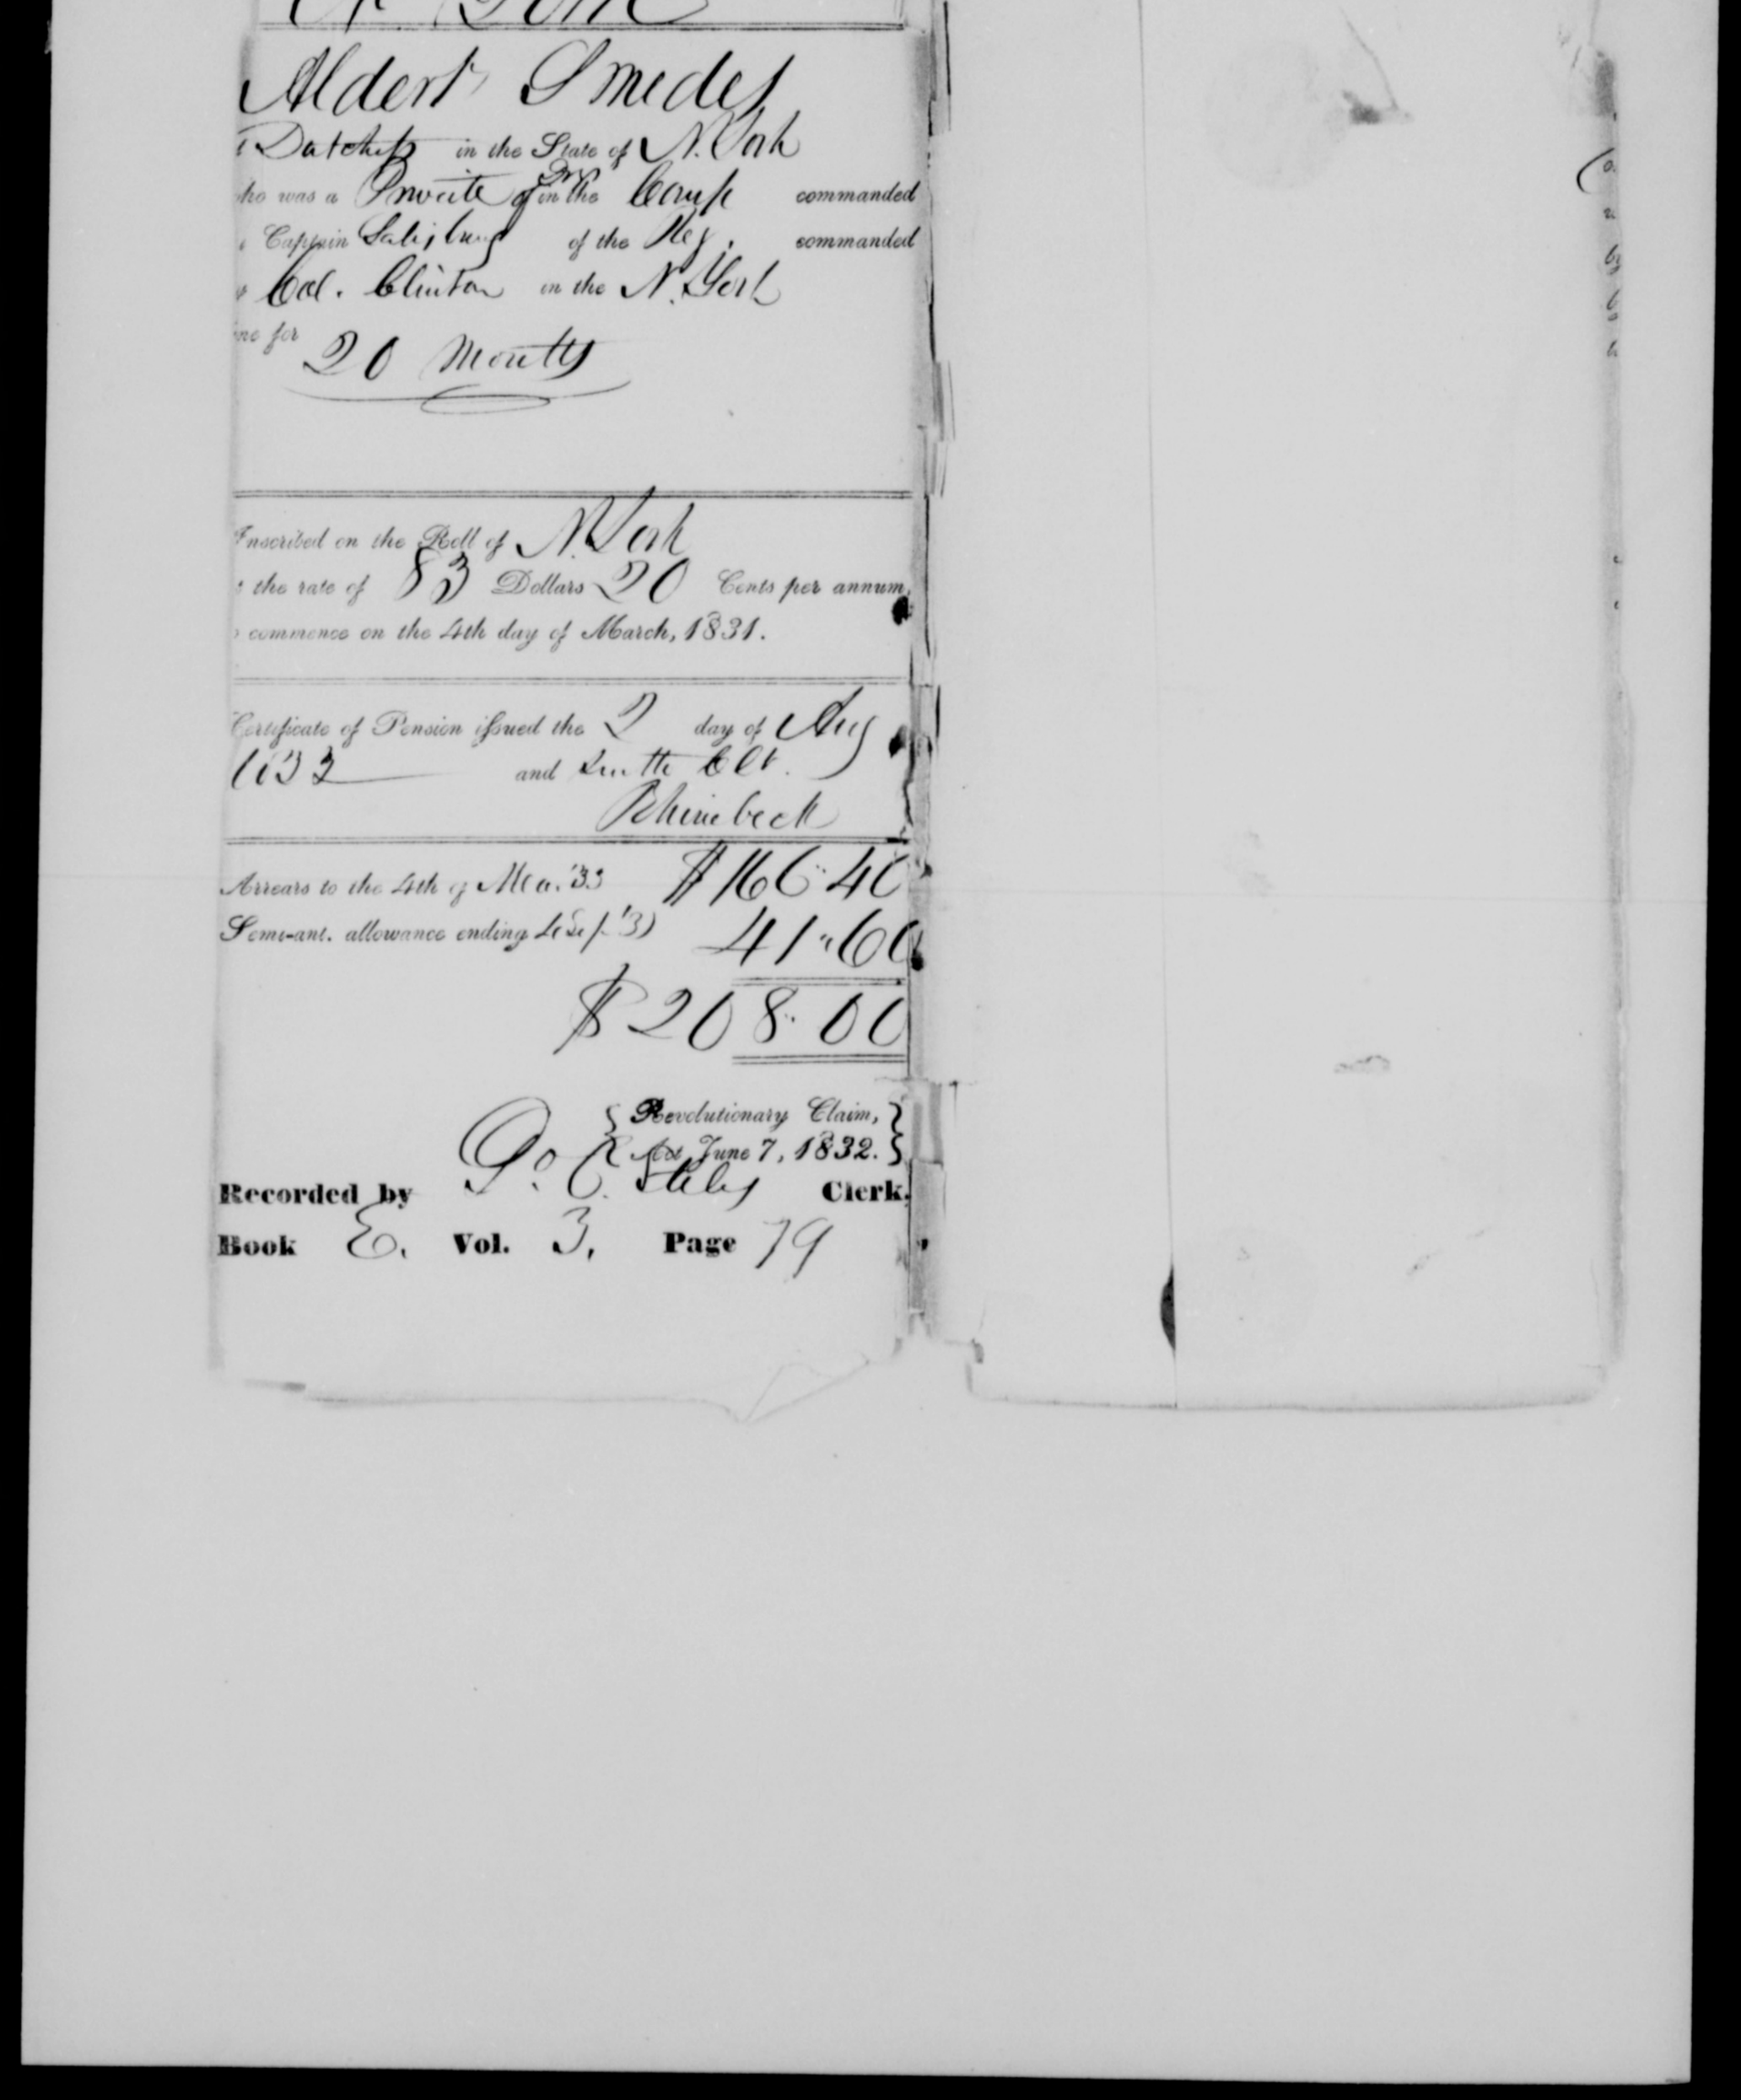[illegible--cut off]

Aldert Smedes
[County of] Dutchess in the State of N.York
who was a Private of Drs [Dragoons] in the Comp[any] commanded by Captain Salisbury of the Reg. commanded by Col. Clinton in the N. York line for 20 months

Inscribed on the roll of N. York at the rate of 83 dollars 20 Cents per annum, to commence on the 4th day of March, 1831.

Certificate of Pension issued the 2[nd] day of Aug 1832 and Smith Clt.
Rhinebeck

Arrears to the 4th of Mar. '33   $166.40
Semi-annuit allowance ending 4 Sept '33  41.60
                                                 $208.00

Revolutionary Claim,}
Act June 7, 1832,}
Recorded by Go. C. Stiles   Clerk
Book E.   Vol. 3.  Page 79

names: [BLANK] Salisbury; Go C Stiles; Aldert Smedes; [BLANK] Clinton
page: 2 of 29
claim: survivor's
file: S. 11415, for Aldert Smedes, New York